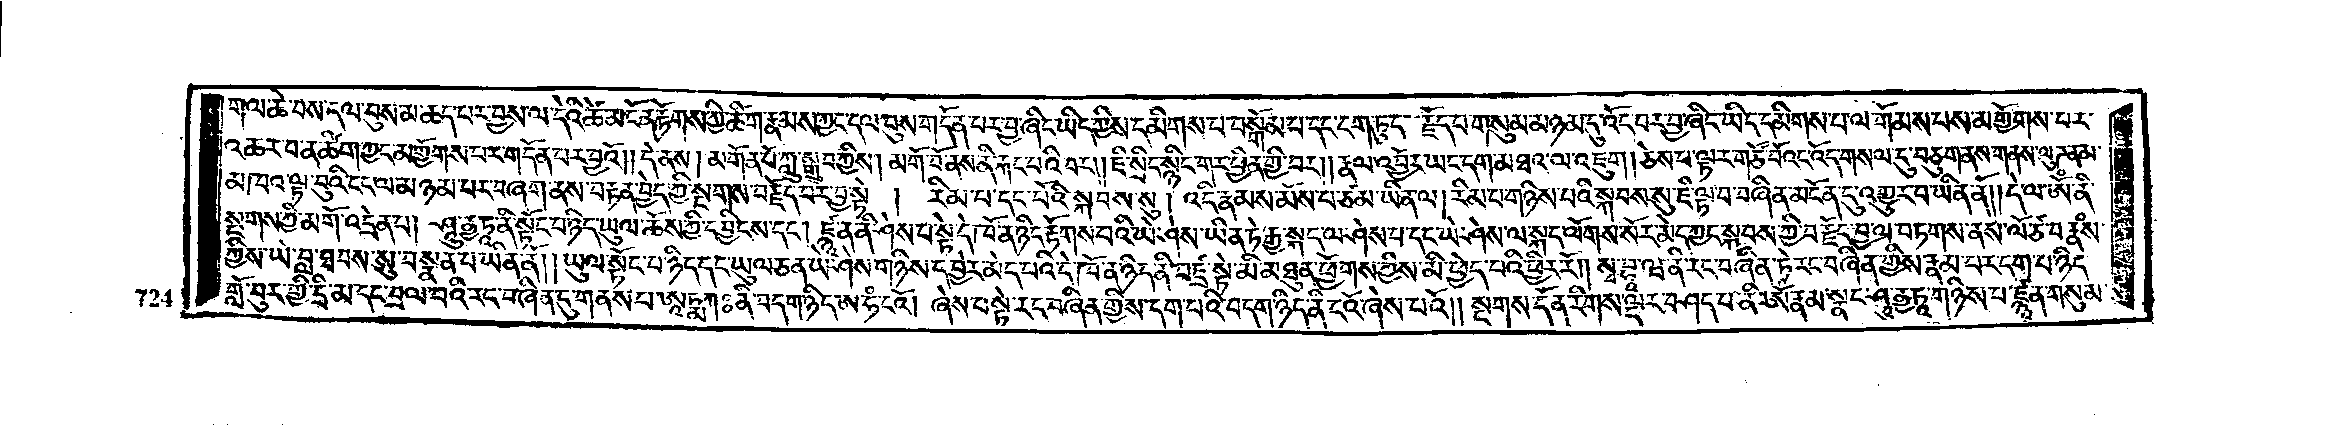གལ་ཆེ་བས་དལ་བུས་མ་ཆད་པར་བྱས་ལ་དེའི་ཚེ་མངོན་རྟོགས་ཀྱི་ཚིག་རྣམས་ཀྱང་དལ་བུས་གདོན་པར་བྱ་ཞིང་ཡིད་ཀྱིས་དམིགས་པ་བསྒོམ་པ་དང་ངག་ཏུད་རྗོད་པ་གསུམ་མཉམ་དུ་འོང་བར་བྱ་ཞིང་ཡིད་དམིགས་པ་ལ་གོམས་པས་མགྱོགས་པར་
འཆར་བ་ན་ཚིག་ཀྱང་མགྱོགས་པར་གདོན་པར་བྱའོ། །དེ་ནས། མགོན་པོ་ཀླུ་སྒྲུབ་ཀྱིས། མགོ་བོ་ནས་ནི་རྐང་བའི་བར། །ཇི་སྲིད་སྙིང་གར་ཕྱིན་གྱི་བར། །རྣལ་འབྱོར་ཡང་དག་མཐའ་ལ་འཇུག །ཅེས་པ་ལྟར་གཙོ་བོའང་འོད་གསལ་དུ་བཅུག་ནས་གནས་ལུགས་ནམ་
མཁའ་ལྟ་བུའི་ངང་ལ་མཉམ་པར་བཞག་ནས་བརྟན་བྱེད་ཀྱི་སྔགས་བརྗོད་པར་བྱ་སྟེ། རིམ་པ་དང་པོའི་སྐབས་སུ། འདི་རྣམས་མོས་པ་ཙམ་ཡིན་ལ། རིམ་པ་གཉིས་པའི་སྐབས་སུ་ཇི་ལྟ་བ་བཞིན་མངོན་དུ་འགྱུར་བ་ཡིན་ནོ། །དེ་ལ་ཨོཾ་ནི་
སྔགས་ཀྱི་མགོ་འདྲེན་པ། ཤཱུ་ནྱ་ཏཱ་ནི་སྟོང་པ་ཉིད་ཡུལ་ཆོས་ཀྱི་དབྱིངས་དང་། ཛྙཱ་ན་ནི་ཤེས་པ་སྟེ་དེ་ཁོ་ན་ཉིད་རྟོགས་པའི་ཡེ་ཤེས་ཡིན་ཏེ་རྒྱ་སྐད་ལ་ཤེས་པ་དང་ཡེ་ཤེས་ལ་སྐད་ལོགས་སོར་མེད་ཀྱང་སྐབས་ཀྱི་བརྗོད་བྱ་ལ་བཏགས་ནས་ལོ་ཙཱ་བ་རྣམས་
ཀྱིས་ཡེ་བླ་ཐབས་སུ་བསྣན་པ་ཡིན་ནོ། །ཡུལ་སྟོང་པ་ཉིད་དང་ཡུལ་ཅན་ཡེ་ཤེས་གཉིས་དབྱེར་མེད་པའི་དེ་ཁོ་ན་ཉིད་ནི་བཛྲ་སྟེ་མི་མཐུན་ཕྱོགས་ཀྱིས་མི་ཕྱེད་པའི་ཕྱིར་རོ། །སྭ་བྷཱ་ཝ་ནི་རང་བཞིན་ཏེ་རང་བཞིན་གྱིས་རྣམ་པར་དག་པ་ཉིད་
གློ་བུར་གྱི་དྲི་མ་དང་བྲལ་བའི་རང་བཞིན་དུ་གནས་པ་ཨཱཏྨཀཿ ནི་བདག་ཉིད་ཨ་ཧཾ་ངའོ། ཞེས་པ་སྟེ་རང་བཞིན་གྱིས་དག་པའི་བདག་ཉིད་ནི་ངའོ་ཞེས་པའོ། །སྔགས་དོན་རིགས་ལྔར་བཤད་པ་ནི་ཨོཾ་རྣམ་སྣང་ཤཱུ་ནྱ་ཏཱ་གཉིས་པ་ཛྙཱ་ན་གསུམ་